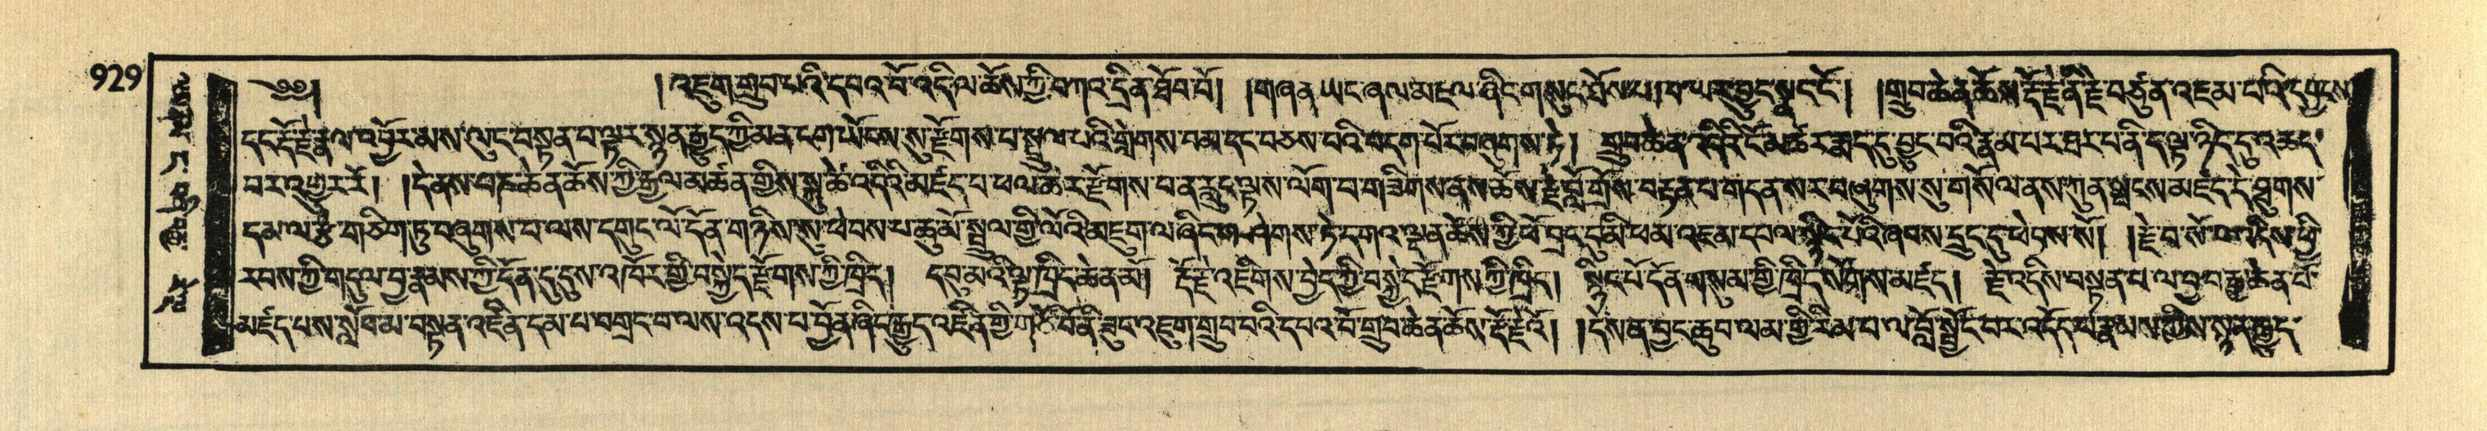༄༅། །འཇུག་གྲུབ་པའི་དཔའ་བོ་འདི་ལ་ཆོས་ཀྱི་བཀའ་དྲིན་ཐོབ་བོ། །གཞན་ཡང་ཞལ་མཇལ་ཞིང་གསུང་ཐོས་པ་ཁ་ཡར་བྱུང་སྣང་ངོ། །གྲུབ་ཆེན་ཆོས་རྡོ་རྗེ་ནི་རྗེ་བཙུན་འཇམ་པའི་དབྱངས་
དང་རྡོ་རྗེ་རྣལ་འབྱོར་མས་ལུང་བསྟན་པ་ལྟར་སྙན་རྒྱུད་ཀྱི་མན་ངག་ཡོངས་སུ་རྫོགས་པ་སྤྲུལ་པའི་གླེགས་བམ་དང་བཅས་པའི་བདག་པོར་བཞུགས་ཏེ། གྲུབ་ཆེན་འདིའི་ངོ་མཚར་རྨད་དུ་བྱུང་བའི་རྣམ་པར་ཐར་པ་ནི་ད་ལྟ་ཉིད་དུ་འཆད་
བར་འགྱུར་རོ། །དེ་ནས་པཎ་ཆེན་ཆོས་ཀྱི་རྒྱལ་མཚན་གྱིས་སྐུ་ཚེ་འདིའི་མཛད་པ་ཕལ་ཆེར་རྫོགས་པ་ན་རླུང་ལྟས་ལོག་པ་གཟིགས་ནས་ཆོས་རྗེ་བློ་གྲོས་བརྟན་པ་གདན་སར་བཞུགས་སུ་གསོལ་ནས་ཀུན་སྤངས་མཛད་དེ་ཐུགས་
དམ་ལ་རྩེ་གཅིག་ཏུ་བཞུགས་པ་ལས་དགུང་ལོ་དོན་གཉིས་སུ་ཕེབས་པ་ཆུ་མོ་སྦྲུལ་གྱི་ལོའི་མཇུག་ལ་ཞིང་གཤེགས་ཏེ་དགའ་ལྡན་ཆོས་ཀྱི་ཕོ་བྲང་དུ་མི་ཕམ་འཇམ་དཔལ་སྙིང་པོའི་ཞབས་དྲུང་དུ་ཕེབས་སོ། །རྗེ་བ་སོ་བ་འདིས་ཕྱི་
རབས་ཀྱི་གདུལ་བྱ་རྣམས་ཀྱི་དོན་དུ་དུས་འཁོར་གྱི་བསྐྱེད་རྫོགས་ཀྱི་ཁྲིད། དབུ་མའི་ལྟ་ཁྲིད་ཆེན་མོ། རྡོ་རྗེ་འཇིགས་བྱེད་ཀྱི་བསྐྱེད་རྫོགས་ཀྱི་ཁྲིད། སྙིང་པོ་དོན་གསུམ་གྱི་ཁྲིད་སོགས་མཛད། རྗེ་འདིས་བསྟན་པ་ལ་བྱ་བ་རྒྱ་ཆེན་པོ་
མཛད་པས་སློབ་མ་བསྟན་འཛིན་དམ་པ་བགྲང་བ་ལས་འདས་པ་བྱོན་ཞིང་རྒྱུད་འཛིན་གྱི་གཙོ་བོ་ནི་ཟུང་འཇུག་གྲུབ་བའི་དཔའ་བོ་གྲུབ་ཆེན་ཆོས་རྡོ་རྗེའོ། །དེས་ན་བྱང་ཆུབ་ལམ་གྱི་རིམ་བ་ལ་བློ་སྦྱོང་བར་འདོད་པ་རྣམས་ཀྱིས་སྙན་རྒྱུད་